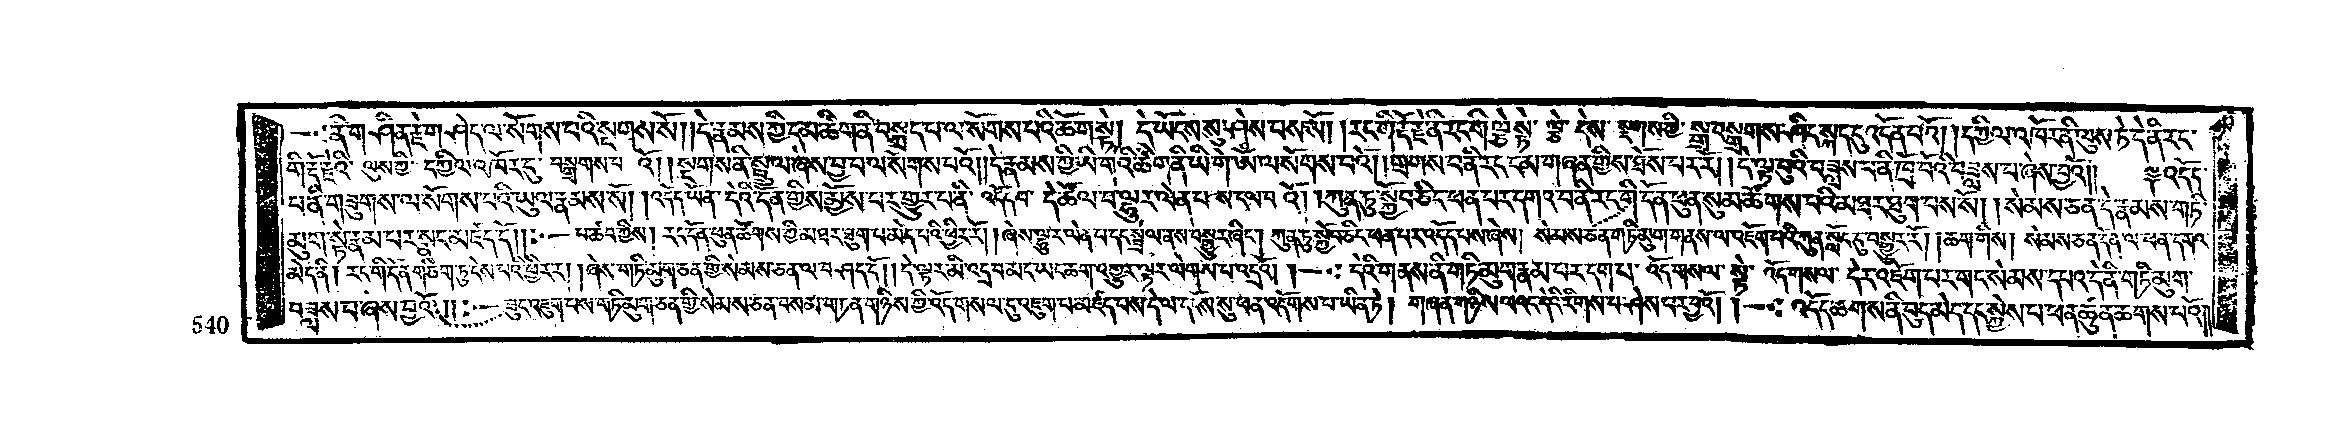.H ནི་གཤིན་རྗེ་གཤེད་ལ་སོགས་པའི་སྔགས་སོ། །དེ་རྣམས་ཀྱི་དམ་ཚིག་ནི་བསྐྲད་པ་ལ་སོགས་པའི་ཆོ་ག་སྟེ། དེ་ཡོངས་སུ་ཤེས་པས་སོ། །རང་གི་རྡོ་རྗེ་ནི་རང་གི་ལྕེ་སྟེ་ལྕེ་དེས་སྔགས་ཀྱི་སྒྲ་བསྒྲགས་ཤིང་སྐད་དུ་འདོན་པའོ། །དཀྱིལ་འཁོར་ནི་ལུས་ཏེ་དེ་ནི་རང་
གི་རྡོ་རྗེའི་ལུས་ཀྱི་དཀྱིལ་འཁོར་དུ་བསྒྲགས་པའོ། །སྔགས་ནི་སྦྲུལ་ཞེས་བྱ་བ་ལ་སོགས་པའོ། །དེ་རྣམས་ཀྱི་ཡི་གེའི་ཚིག་ནི་ཡི་གེ་ཨོཾ་ལ་སོགས་པའོ། །གྲགས་པ་ནི་རང་ངམ་གཞན་གྱིས་ཐོས་པར་རོ། །དེ་ལྟ་བུའི་བཟླས་པ་ནི་ཁྲོ་བོའི་བཟླས་པ་ཞེས་བྱའོ།། ༈ འདོད་
པ་ནི་གཟུགས་ལ་སོགས་པའི་ཡུལ་རྣམས་སོ། །འདོད་ཡོན་དེའི་དོན་གྱིས་མྱོས་པར་གྱུར་པ་ནི་འདོད་པ་དེ་ཚོལ་པ་ལྷུར་ལེན་པས་ངལ་བའོ། །ཀུན་ཏུ་སྐྱོབ་ཅིང་ཕན་པར་དགའ་བ་ནི་རང་གི་དོན་ཕུན་སུམ་ཚོགས་པའི་མཐར་ཐུག་པས་སོ། །སེམས་ཅན་དེ་རྣམས་གཏི་
མུག་སྟེ་རྣམ་པར་སྣང་མཛད་དོ།།H.་པ་ཚབ་ཀྱིས། རང་དོན་ཕུན་ཚོགས་ཀྱི་མཐར་ཐུག་པ་མེད་པའི་ཕྱིར་རོ། །ཞེས་ལྷུར་ལེན་པ་དང་སྦྲེལ་ནས་བསྒྱུར་ཞིང་། ཀུན་ཏུ་སྐྱོབ་ཅིང་ཕན་པར་འདོད་པས་ཞེས། སེམས་ཅན་གཏི་མུག་གནས་ལ་འཇོག་པའི་ཀུན་སློང་དུ་བསྒྱུར་རོ། །ཆག་གིས། སེམས་ཅན་དོན་ལ་ཕན་དགའ་
མེད་ནི། རང་གི་དོན་གཅིག་ཏུ་ངེས་པའི་ཕྱིར་རོ། །ཞེས་གཏི་མུག་ཅན་གྱི་སེམས་ཅན་ལ་བཤད་དོ། །དེ་ལྟར་མི་འདྲ་བ་མང་ཡང་ཆག་འགྱུར་ལྟར་ལེགས་པ་འདྲའོ།།.H དེའི་གནས་ནི་གཏི་མུག་རྣམ་པར་དག་པ་འོད་གསལ་སྟེ་འོད་གསལ་དེར་འཇོག་པར་གང་སེམས་དཔའ་དེ་ནི་གཏི་མུག་
བཟླས་པ་ཞེས་བྱའོ།།H.་ཟུང་འཇུག་པས་གཏི་མུག་ཅན་གྱི་སེམས་ཅན་བསམ་གཏན་གཉིས་ཀྱི་འོད་གསལ་དུ་འཇུག་པ་མཛད་པས་དེ་ལ་དངོས་སུ་ཕན་འདོགས་པ་ཡིན་ཏེ། གཞན་གཉིས་ལའང་དེའི་རིགས་པ་ཤེས་པར་བྱའོ།།.H འདོད་ཆགས་ནི་བུད་མེད་དང་སྐྱེས་པ་ཕྣ་ཚུན་ཆགས་པའོ།།